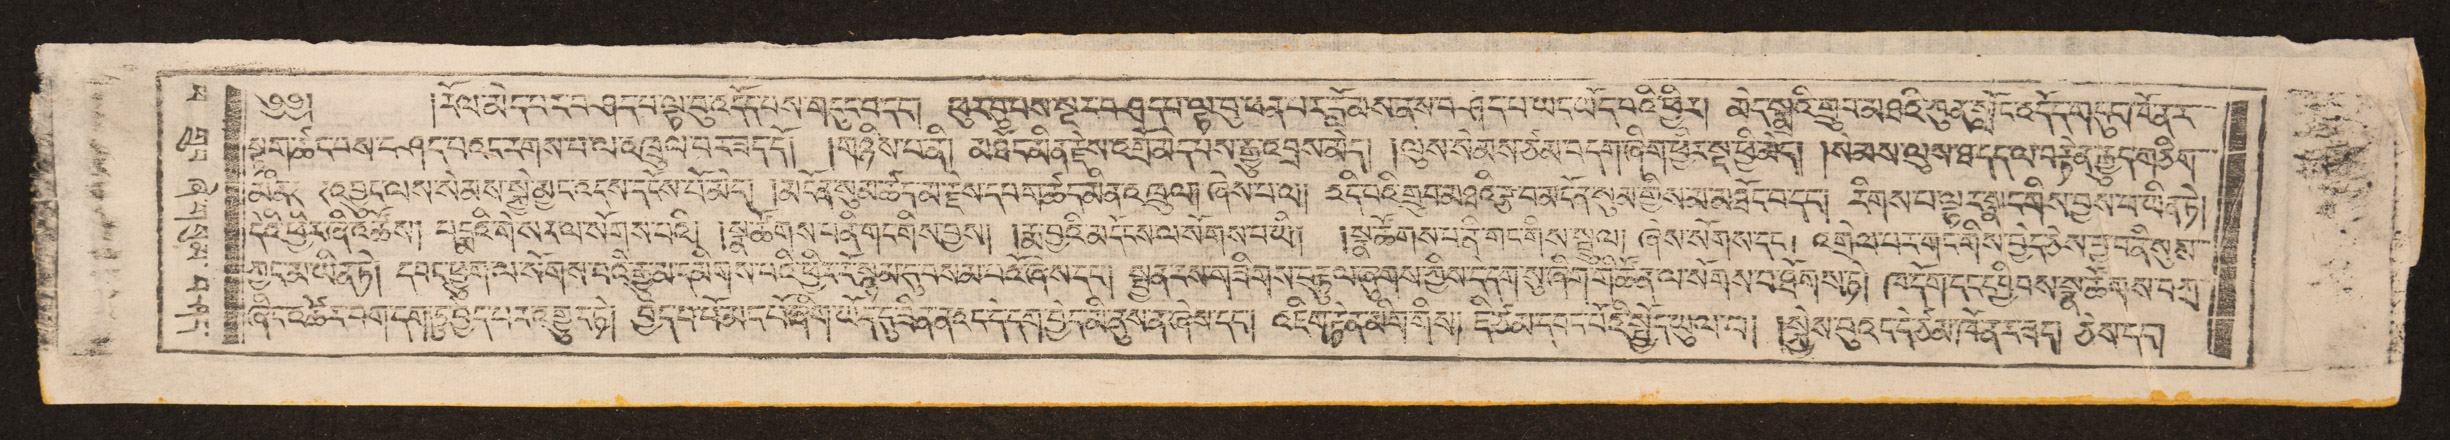༄༅། །རོལ་མེད་པར་བཤད་པ་ལྟ་བུ་འདོད་པས་གདུང་བ་དང་། ཕུར་བུ་པས་སྔར་བཤད་པ་ལྟ་བུ་ཕན་པར་རློམས་ནས་བཤད་པ་ཡང་ཡོད་པའི་ཕྱིར། མེད་སྨྲའི་གྲུབ་མཐའི་ཀུན་སློང་འདོད་གདུང་ཁོ་ནར་
སྟག་ཚང་བས་བཤད་པའང་རགས་པ་ལ་འཁྲུལ་པར་ཟད་དོ། །གཉིས་པ་ནི། མཐོང་མིན་རྗེས་འགྲོ་མེད་པས་རྒྱུ་འབྲས་མེད། །ལུས་སེམས་ཙམ་བདག་ཞིག་ཕྱིར་སྔ་ཕྱི་མེད། །སེམས་ལུས་ཐ་དད་ལ་བརྟེན་རྒྱུད་གཅིག་
མིན༑ ༑འབྱུང་ལས་སེམས་སྐྱེ་མྱང་འདས་དངོས་པོ་མེད། །མངོན་སུམ་ཚད་མ་རྗེས་དཔག་ཚད་མིན་འཁྲུལ། ཞེས་པ་ལ། འདི་པའི་གྲུབ་མཐའི་རྩ་བ་མངོན་སུམ་གྱིས་མ་མཐོང་བ་དང་། རིགས་པ་ལྟར་སྣང་གིས་བྱས་པ་ཡིན་ཏེ།
དེའི་ཕྱིར་ཞིའི་ཚོས། པདམའི་གེ་སར་ལ་སོགས་པའི། །སྣ་ཚོགས་པ་ནི་གང་གིས་བྱས། །རྨ་བྱའི་མདོངས་ལ་སོགས་པ་ཡི། །སྣ་ཚོགས་པ་ནི་གང་གིས་སྦྲུལ། ཞེས་སོགས་དང་། འགྲེལ་བར་གང་གིས་བྱད་ཅེས་བྱ་བ་ནི་སུས་
ཀྱང་མ་ཡིན་ཏེ། དབང་ཕྱུག་ལ་སོགས་པའི་རྒྱུ་མ་དམིགས་པའི་ཕྱིར་རོ་སྙམ་དུ་བསམ་པའོ་ཞེས་དང་། སྤྱན་རས་གཟིགས་བརྟུལ་ཞུགས་ཀྱིས་དེ་དག་སུ་ཞིག་གི་ཚོན་ལ་སོགས་པ་ཐོགས་ཏེ། ཁ་དོག་དང་དབྱིབས་སྣ་ཚོགས་བཀྲ་
ཞིང་འཚེར་བག་དག་ཏུ་བྱེད་པར་འགྱུར་ཏེ། བྱེད་པ་པོ་མང་པོ་ཞིག་ཡོད་དུ་ཟིན་ནའང་དེ་དག་བྱེད་མི་ནུས་ན་ཞེས་དང་། འཇིག་རྟེན་མིག་གིས། ཇི་ཙམ་དབང་པོའི་སྤྱོད་ཡུལ་བ། །སྐྱེས་བུའང་དེ་ཙམ་ཁོ་ནར་ཟད། ཅེས་དང་།